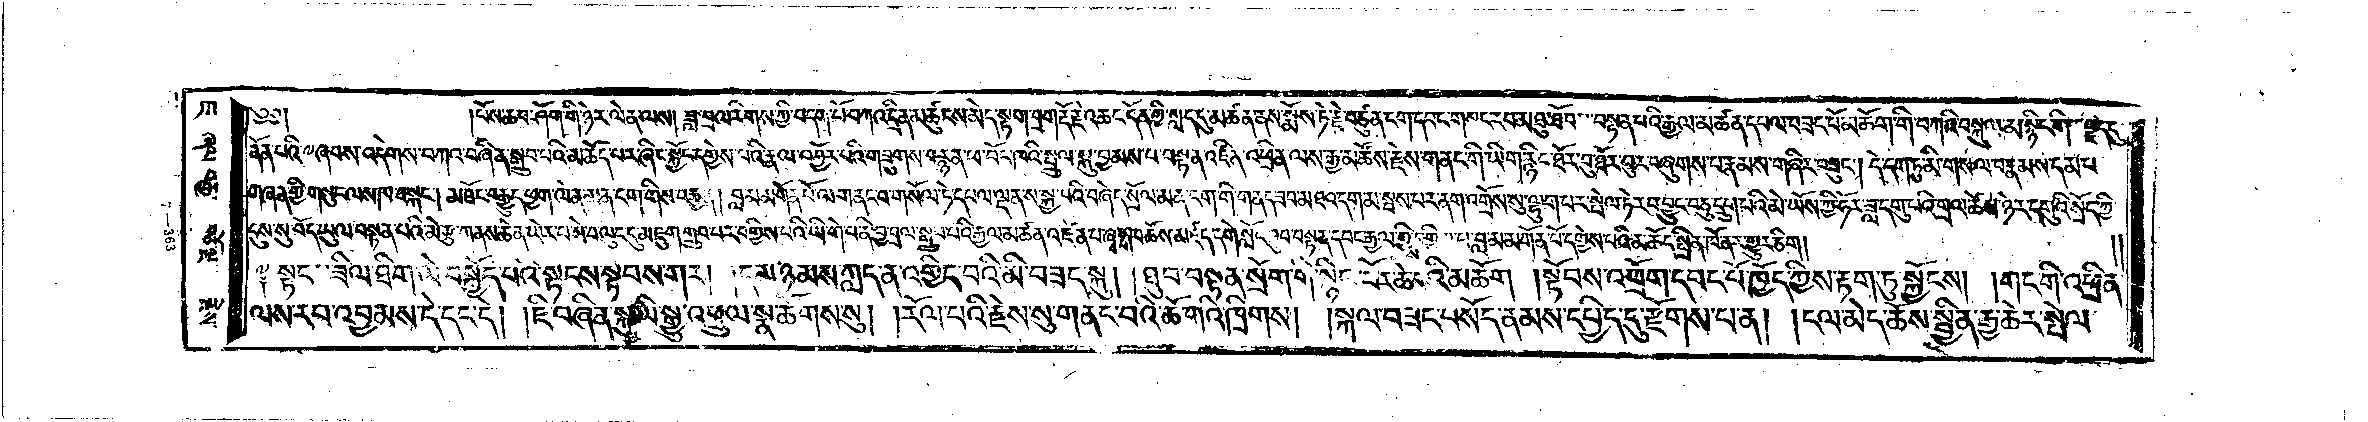༄༅། །པོས་ཆབ་ཤོག་གི་ཉེར་ལེན་ལས། ཟླ་བྲལ་རིགས་ཀྱི་བདག་པོ་བཀའ་དྲིན་མཚུངས་མེད་སྟག་བྲག་རྡོ་རྗེ་འཆང་དོན་གྱི་སླད་དུ་མཚན་ནས་སྨོས་ཏེ་རྗེ་བཙུན་ངག་དབང་གསུང་རབ་མཐུ་ཐོབ་བ་བསྟན་པའི་རྒྱལ་མཚན་དཔལ་བཟང་པོ་མཆོག་གི་བཀའི་བསྐུལ་མ་སྙིང་གི་ལྗིད་དུ་
ནོན་པའི ༧ཞབས་འདེགས་བཀའ་བཞིན་སྒྲུབ་པའི་མཆོད་པར་ཞིང་སྐྱོང་དགྱེས་པའི་རྣལ་འབྱོར་པའི་གཟུགས་བརྙན་ཕ་བོང་ཁའི་སྤྲུལ་སྐུ་བྱམས་པ་བསྟན་འཛིན་འཕྲིན་ལས་རྒྱ་མཚོས་རྗེས་གནང་གི་ཡིག་རྙིང་ཐོར་བུ་ཐོར་བུར་བཞུགས་པ་རྣམས་གཞིར་བཟུང་། དེ་དག་ཏུ་མི་གསལ་བ་རྣམས་དམ་པ་
གཞན་གྱི་གསུང་ལས་ཁ་བསྐང་། མཐོང་བརྒྱུད་ཕྱག་ལེན་མན་ངག་གིས་བརྒྱན། བླ་མ་མགོན་པོ་ལ་གནང་བ་གསོལ་ཏེ་དཔལ་ལྡན་ས་སྐྱ་པའི་བཞེད་སྲོལ་མན་ངག་གི་གནད་ཟབ་མཐའ་དག་མ་སྤས་པར་ནག་འགྲོས་སུ་ལྷུག་པར་སྤེལ་ཏེ་རབ་བྱུང་བཅུ་དྲུག་པའི་མེ་ཡོས་ཀྱི་ཧོར་ཟླ་དགུ་པའི་གྲལ་ཚེས་ཉེར་དགུའི་སྲོད་ཀྱི་
དུས་སུ་བོད་ཡུལ་བསྟན་པའི་མེ་རྩ་གནས་ཆེན་ཡེར་པ་སེ་བ་ལུང་དུ་མཇུག་གྲུབ་པར་བགྱིས་པའི་ཡི་གེ་པ་ནི་བྱ་བྲལ་སྒྲུབ་པའི་རྒྱལ་མཚན་འཛིན་པ་ཞྭ་སྒབ་ཆོས་མཛད་དགེ་སློང་ཐུབ་བསྟན་དབང་རྒྱལ་གྱིས་བགྱིས་པ་བླ་མ་མགོན་པོ་དགྱེས་བའི་མཆོད་སྤྲིན་ཁོ་ནར་གྱུར་ཅིག ། །།
༈ སྟང་ཟིལ་ཐིག་ལེ་བསྐྱོད་པའི་སྟངས་སྟབས་གར། །དམ་ཉམས་ཀླད་ན་འགྱིང་པའི་མི་བཟད་སྐུ། །ཐུབ་བསྟན་སྲོག་གི་སྙིང་པོར་ཆེ་བའི་མཆོག །སྟོབས་འཕྲོག་དབང་པོ་ཁྱོད་ཀྱིས་རྟག་ཏུ་སྐྱོངས། །གང་གི་འཕྲིན་
ལས་རབ་འབྱམས་དེ་དང་དེ། །ཇི་བཞིན་སྐུ་ཡི་སྒྱུ་འཕྲུལ་སྣ་ཚོགས་སུ། །རོལ་པའི་རྗེས་སུ་གནང་བའི་ཆོ་གའི་ཁྲིགས། །སྐལ་བཟང་བསོད་ནམས་དཔྱིད་དུ་རྫོགས་པ་ན། །ངལ་མེད་ཆོས་སྦྱིན་རྒྱ་ཆེར་སྤེལ་